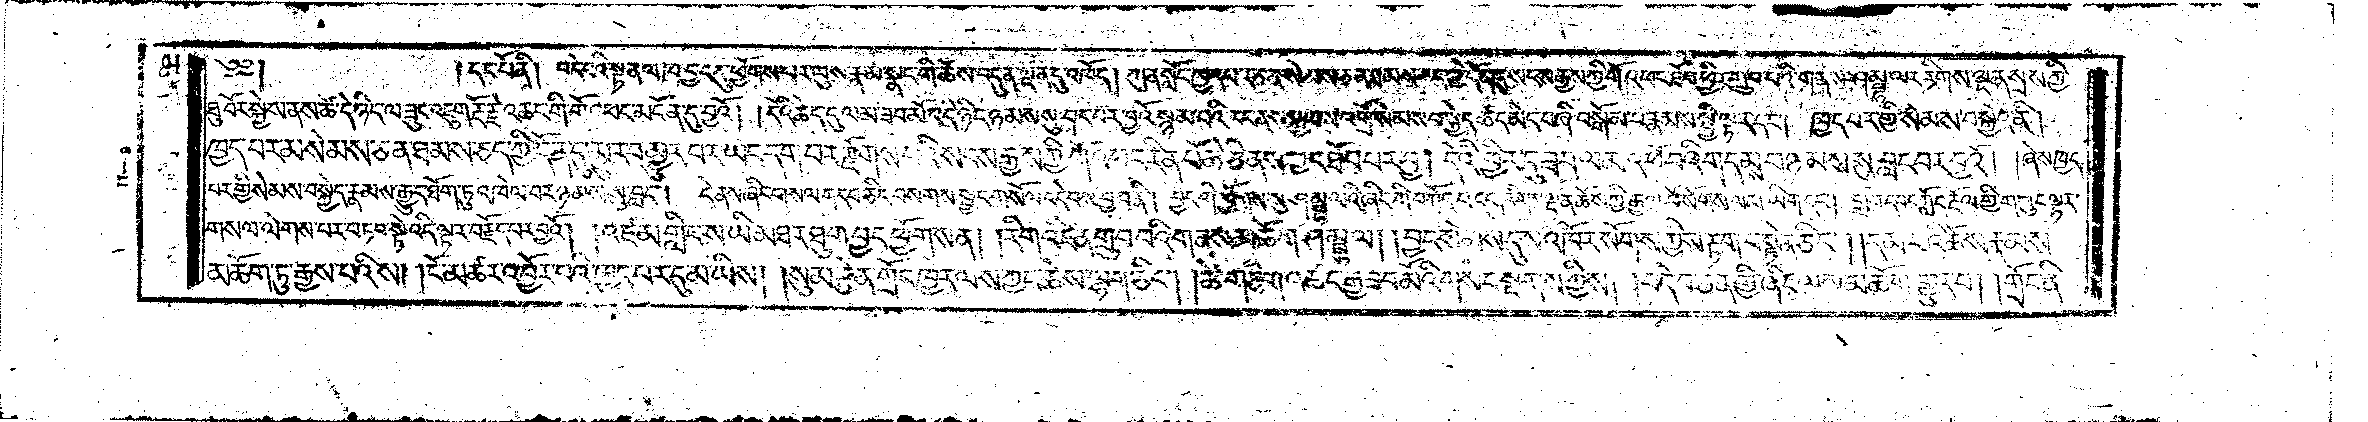༄༅། །དང་པོ་ནི། བདེ་པའི་སྟན་ལ་ཁ་བྱང་དུ་ཕྱོགས་པར་ལུས་རྣམ་སྣང་གི་ཆོས་བདུན་ལྡན་དུ་འཁོད། ཀུན་སློང་ཁྱད་པར་ཅན་སེམས་ཅན་ཐམས་ཅད་ཀྱི་དོན་དུ་སངས་རྒྱས་ཀྱི་གོ་འཕང་ཐོབ་ཕྱིར་གྲུབ་པའི་གནས་ཤམྦྷ་ལར་རིགས་ལྡན་སྲས་ཀྱི་
ཐུ་བོར་སྐྱེས་ནས་ཚེ་དེ་ཉིད་ལ་ཟུང་འཇུག་རྡོ་རྗེ་འཆང་གི་གོ་འཕང་མངོན་དུ་བྱའོ། །དེའི་ཆེད་དུ་ལམ་ཟབ་མོ་འདི་ཉིད་ཉམས་སུ་བླང་བར་བྱའོ་སྙམ་པའི་རང་ནས་སྐྱབས་འགྲོ་སེམས་བསྐྱེད་ཚད་མེད་བཞི་བསྒོམ་པ་རྣམས་སྤྱི་ལྟར་དང་། ཁྱད་པར་གྱི་སེམས་བསྐྱེའ་ནི།
ཁྱད་པར་མ་སེམས་ཅན་ཐམས་ཅད་ཀྱི་དོན་དུ་མྱུར་བ་མྱུར་པར་ཡང་དག་པར་རྫོགས་པའི་སངས་རྒྱས་ཀྱི་གོ་འཕང་རིན་པོ་ཆེ་ཅི་ནས་ཀྱང་ཐོབ་པར་བྱ། དེའི་ཕྱིར་དུ་ཟབ་ལམ་འཕོ་བའི་གདམས་བ་ཉམས་སུ་བླང་བར་བྱའོ། །ཞེས་ཁྱད་
པར་གྱི་སེམས་བསྐྱེད་རྣམས་རྒྱུད་ཐོག་ཏུ་འཁེལ་བར་ཉམས་སུ་བླང་། དེ་ནས་ཞིང་གསལ་གདབ་ཅིང་བསགས་སྦྱང་གསོལ་འདེབས་བྱ་བ་ནི། བྱང་གི་ཕྱོགས་སུ་ཤམྦྷ་ལའི་ཞིང་གི་བཀོད་པ་དང་། རེགས་ལྡན་ཆོས་ཀྱི་རྒྱལ་པོ་སོགས་ལམ་ཡིག་དང་། གྲུབ་དབང་ཀློང་རྡོལ་གྱི་གསུང་ལྟར་
གསལ་ལེགས་པར་བཏབ་སྟེ་འདི་ལྟར་བརྗོད་པར་བྱའོ། །འཛམ་གླིངས་ཡི་མཐར་ཐུག་བྱང་ཕྱོགས་ན། །རིག་འཛིན་གྲུབ་པའི་གནས་མཆོག་ཤམྦྷ་ལ། བྱང་སེམས་དུས་འཁོར་སོགས་ཀྱིས་རྟག་བསྟེན་ཅིང་། །དམ་པའི་ཆོས་རྣམས་
མཆོག་ཏུ་རྒྱས་པའི་ས། །ངོ་མཚར་འབྱོར་པའི་ཁྱད་པར་དུ་མ་ཡིས། །སུམ་རྩེན་གྲོང་ཁྱེར་ལ་ས་ཀྱང་ཆེས་ལྷག་ཅིང་། །ཚེ་གཅིག་འཚང་རྒྱ་ཟབ་མོའི་གསང་སྔགས་ཀྱིས། །བདེ་བ་ཅན་གྱི་ཞིང་ལས་མཆོག་གྱུར་པ། །གྲོང་ནི་